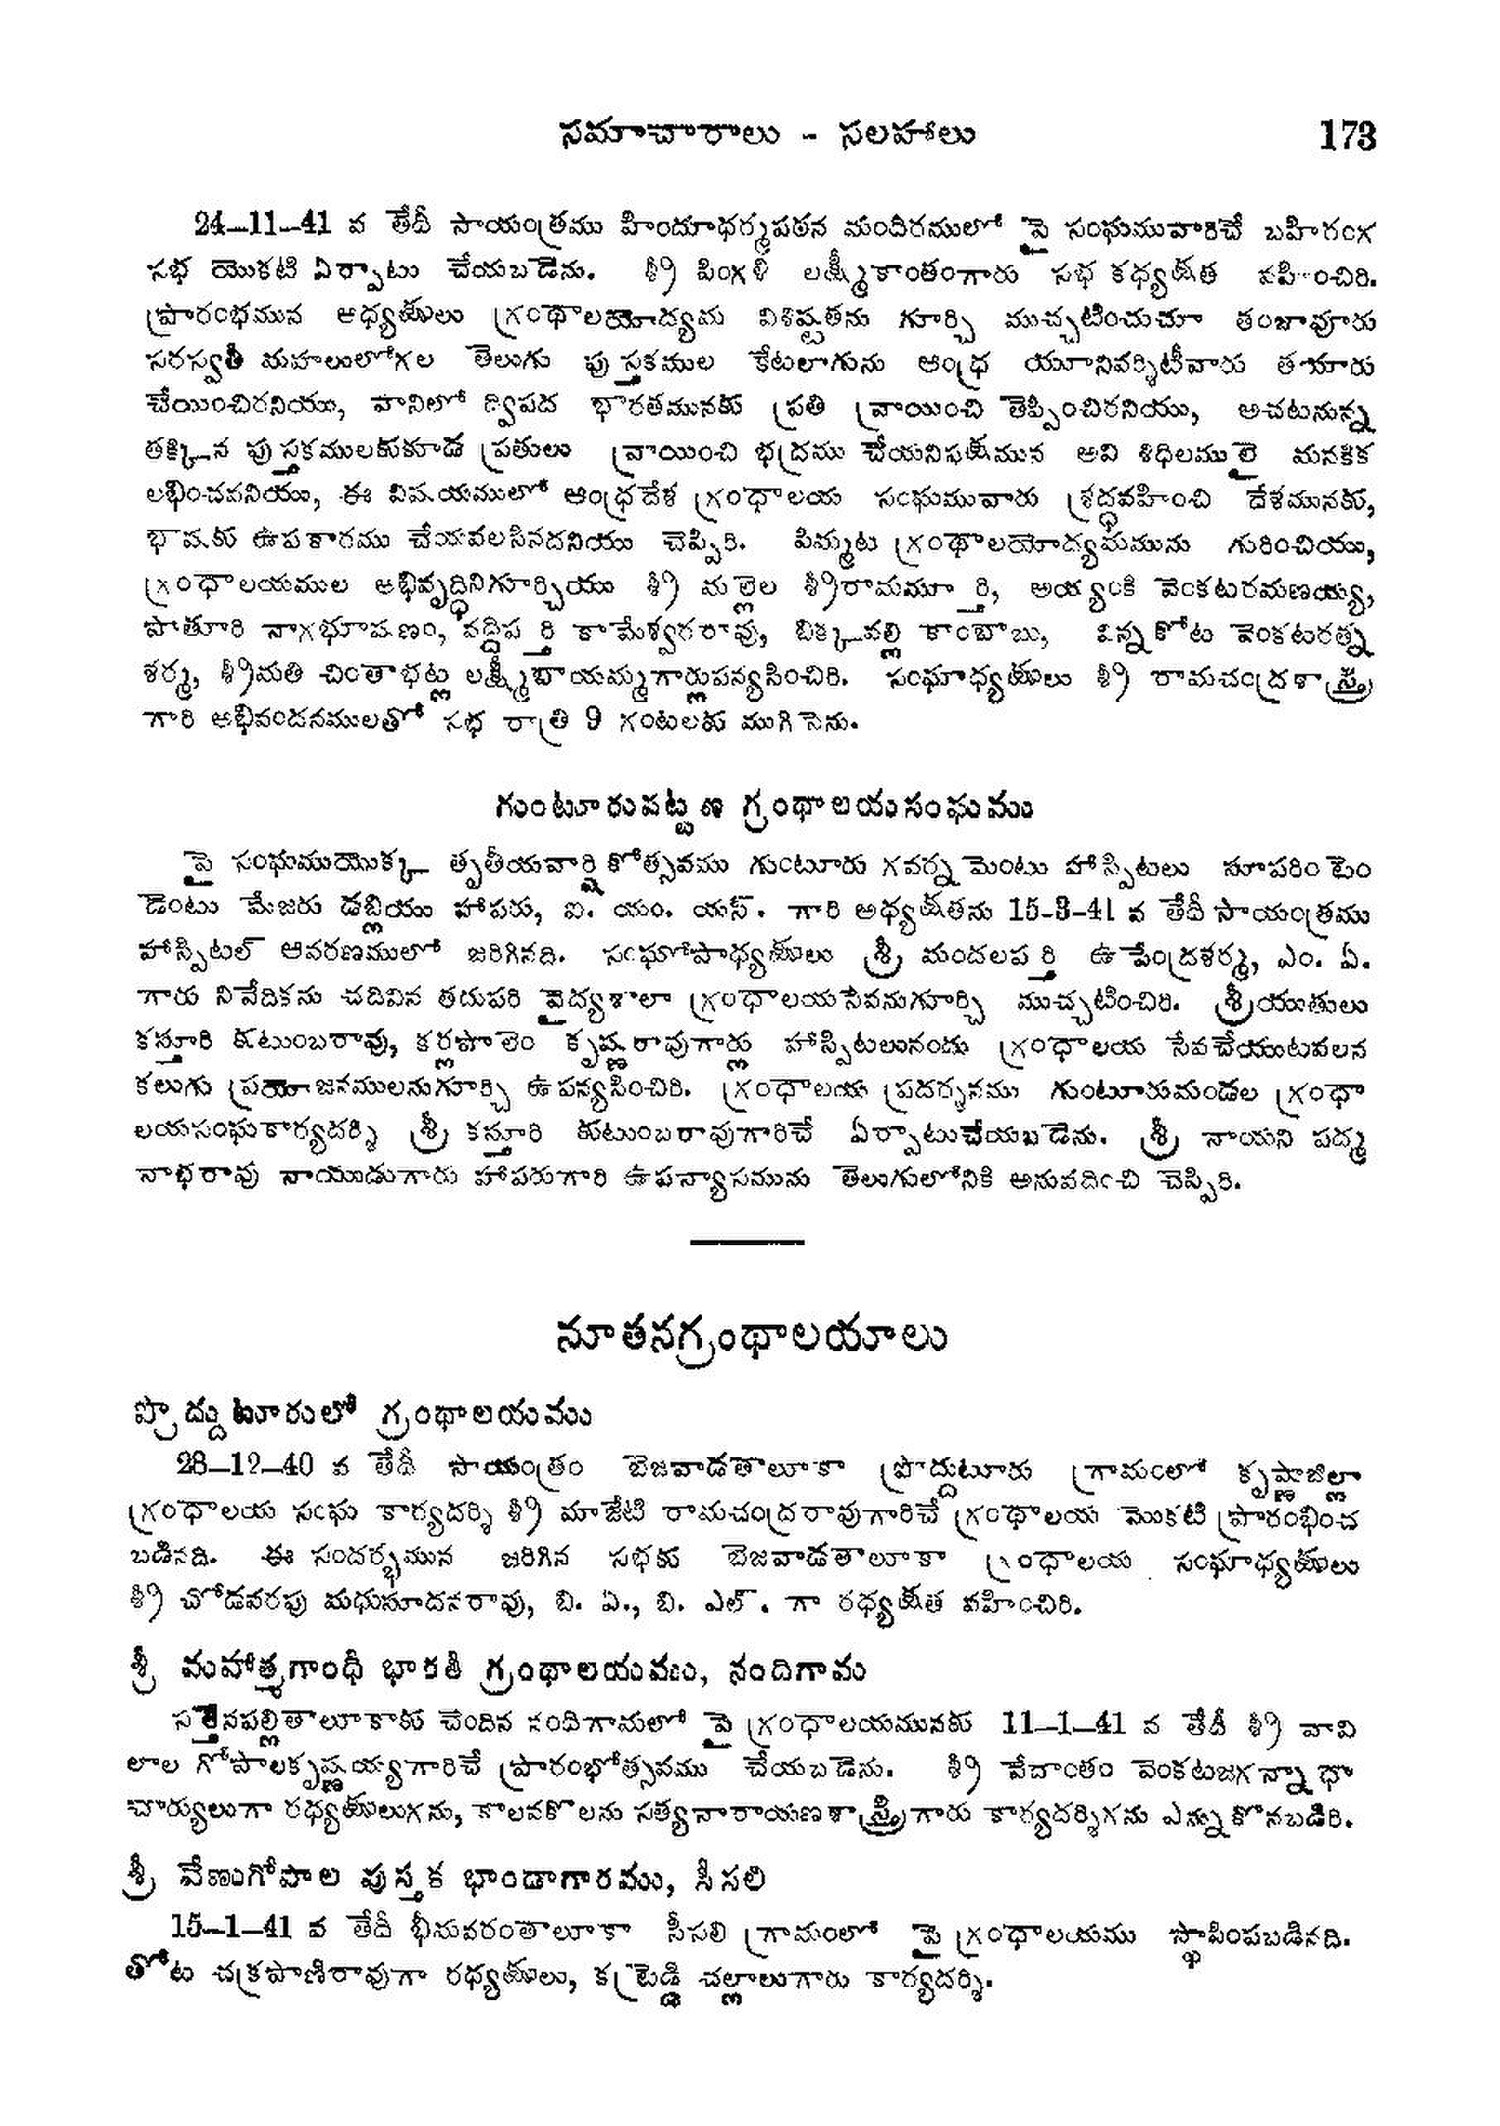24-11--41 వ తేదీ సాయంత్రము హిందూధర్మపఠన మందిరములో పై సంఘమువారిచే బహిరంగ సభ యొకటి ఏర్పాటు 
చేయబడెను. శ్రీ పింగళి లక్ష్మీకాంతం గారు సభ కధ్యక్షత వహించిరి. ప్రారంభమున అధ్యక్షులు గ్రంథాలయోద్యమ విశిష్టతను 
గూర్చి ముచ్చటించుచూ తంజావూరు సరస్వతీ మహలులోగల తెలుగు పుస్తకములు కేటలాగును ఆంధ్ర యూనివర్శిటీ వారు 
తయారు చేయించిరనియు, వానిలో ద్విపద భారతమునకు ప్రతి వ్రాయించి తెప్పించిరనియు, అచటనున్న తక్కిన పుస్తకములకు 
కూడ ప్రతులు వ్రాయించి భద్రము చేయనిపక్షమున అవి శిధిలములై మనకిక లభించవనియు, ఈ విషయములో ఆంధ్రదేశ 
గ్రంధాలయ సంఘమువారు శ్రద్ధవహించి దేశమునకు, భాషకు ఉపకారము చేయవలసినదనియు చెప్పిరి. పిమ్మట 
గ్రంథాలయోద్యమమును గురించియు, గ్రంధాలయముల అభివృద్ధిని గూర్చియు శ్రీ మల్లెల శ్రీరామమూర్తి, అయ్యంకి 
వెంకటరమణయ్య, పాతూరి నాగభూషణం, 'వద్దిపర్తి కామేశ్వరరావు, బిక్కవల్లి కాంబాబు, పిన్నకోట వెంకటరత్నశర్మ, శ్రీమతి 
చింతాభట్ల లక్ష్మీబాయమ్మ గార్లు పన్యసించిరి. సంఘాధ్యక్షులు శ్రీ రామచంద్రశాస్త్రి గారి అభివందనములతో సభ రాత్రి 9 
గంటలకు ముగిసెను.

పై సంభముయొక్క తృతీయవార్షికోత్సవము గుంటూరు గవర్న మెంటు హాస్పిటలు సూపెర్టెండెంట్ మేజరు డబ్లియు 
హాపకు, ఐ.యం.యస్. గారి అధ్యక్షతను 15-3-41 వ తేదీ సాయంత్రము హాస్పిటల్ ఆవరణములో జరిగినది. 
సంఘాపాధ్యక్షులు శ్రీ మందలపర్తి ఉపేంద్రశర్మ, ఎం.ఏ. గారు నివేదికను చదివిన తదుపరి వైద్యశాలా గ్రంధాలయసేవను
గూర్చి ముచ్చటించిరి. శ్రీయుతులు కస్తూరి కుటుంబరావు, కరణాలెం కృష్ణరావుగారు హాస్పిటలునందు గ్రంథాలయ సేవచేయుటవలన కలుగు ప్రయోజనములను గూర్చి ఉపన్యసించిరి. గ్రంధాలయ ప్రదర్శనము గుంటూరు మండల గ్రంధాలయసంఘ కార్యదర్శి 
శ్రీ కస్తూరి కుటుంబరావు గారిచే ఏర్పాటు చేయబడెను. శ్రీ నాయని పద్మనాభరావు నాయుడుగారు హాపరుగారి ఉపన్యాసమును 
తెలుగులోనికి అనువదించి చెప్పిరి.

 

ప్రొద్దుటూరులో గ్రంథాలయము

28-12-40 వ తేదీ సాయంత్రం బెజవాడ తాలూకా ప్రొద్దుటూరు గ్రామంలో కృష్ణాజిల్లా గ్రంధాలయ సఁఘ కార్యదర్శి శ్రీ మాజేటి రామచంద్రరావు గారిచే గ్రంథాలయ మొకటి ప్రారంభించబడినది. ఈ సందర్భమున జరిగిన సభకు బెజవాడ తాలూకా గ్రంధాలయ సంఘాధ్యక్షులు శ్రీ చోడవరపు మధుసూదనరావు, బి. ఏ., బి. ఎల్. గా రధ్యక్షత వహించిరి.

శ్రీ మహాత్మగాంధీ భారతీ గ్రంథాలయము, నందిగామ

సత్తెనపల్లి తాలూకాకు చెందిన నందిగామలో పై గ్రంధాలయమునకు 11-1-41 వ తేదీ శ్రీ వావిలాల గోపాలకృష్ణయ్య గారిచే 
ప్రారంభోత్సవము చేయబడెను. శ్రీ వేదాంతం వెంకటజగన్నాధా చార్యులుగా రధ్యములుగను, కొలవకొలను సత్యనారాయణశాస్త్రి 
గారు కార్యదర్శిగను ఎన్నుకొనబడిరి.

శ్రీ వేణుగోపాల పుస్తక భాండాగారము, సీసలి

15-1-41 వ తేదీ భీమవరం తాలూకా సీసలి గ్రామంలో పై గ్రంధాలయము స్థాపింపబడినది. తోట చక్రపాణిరావుగా రధ్యతులు, 
కట్రెడ్డి చల్లాలుగారు కార్యదర్శి.